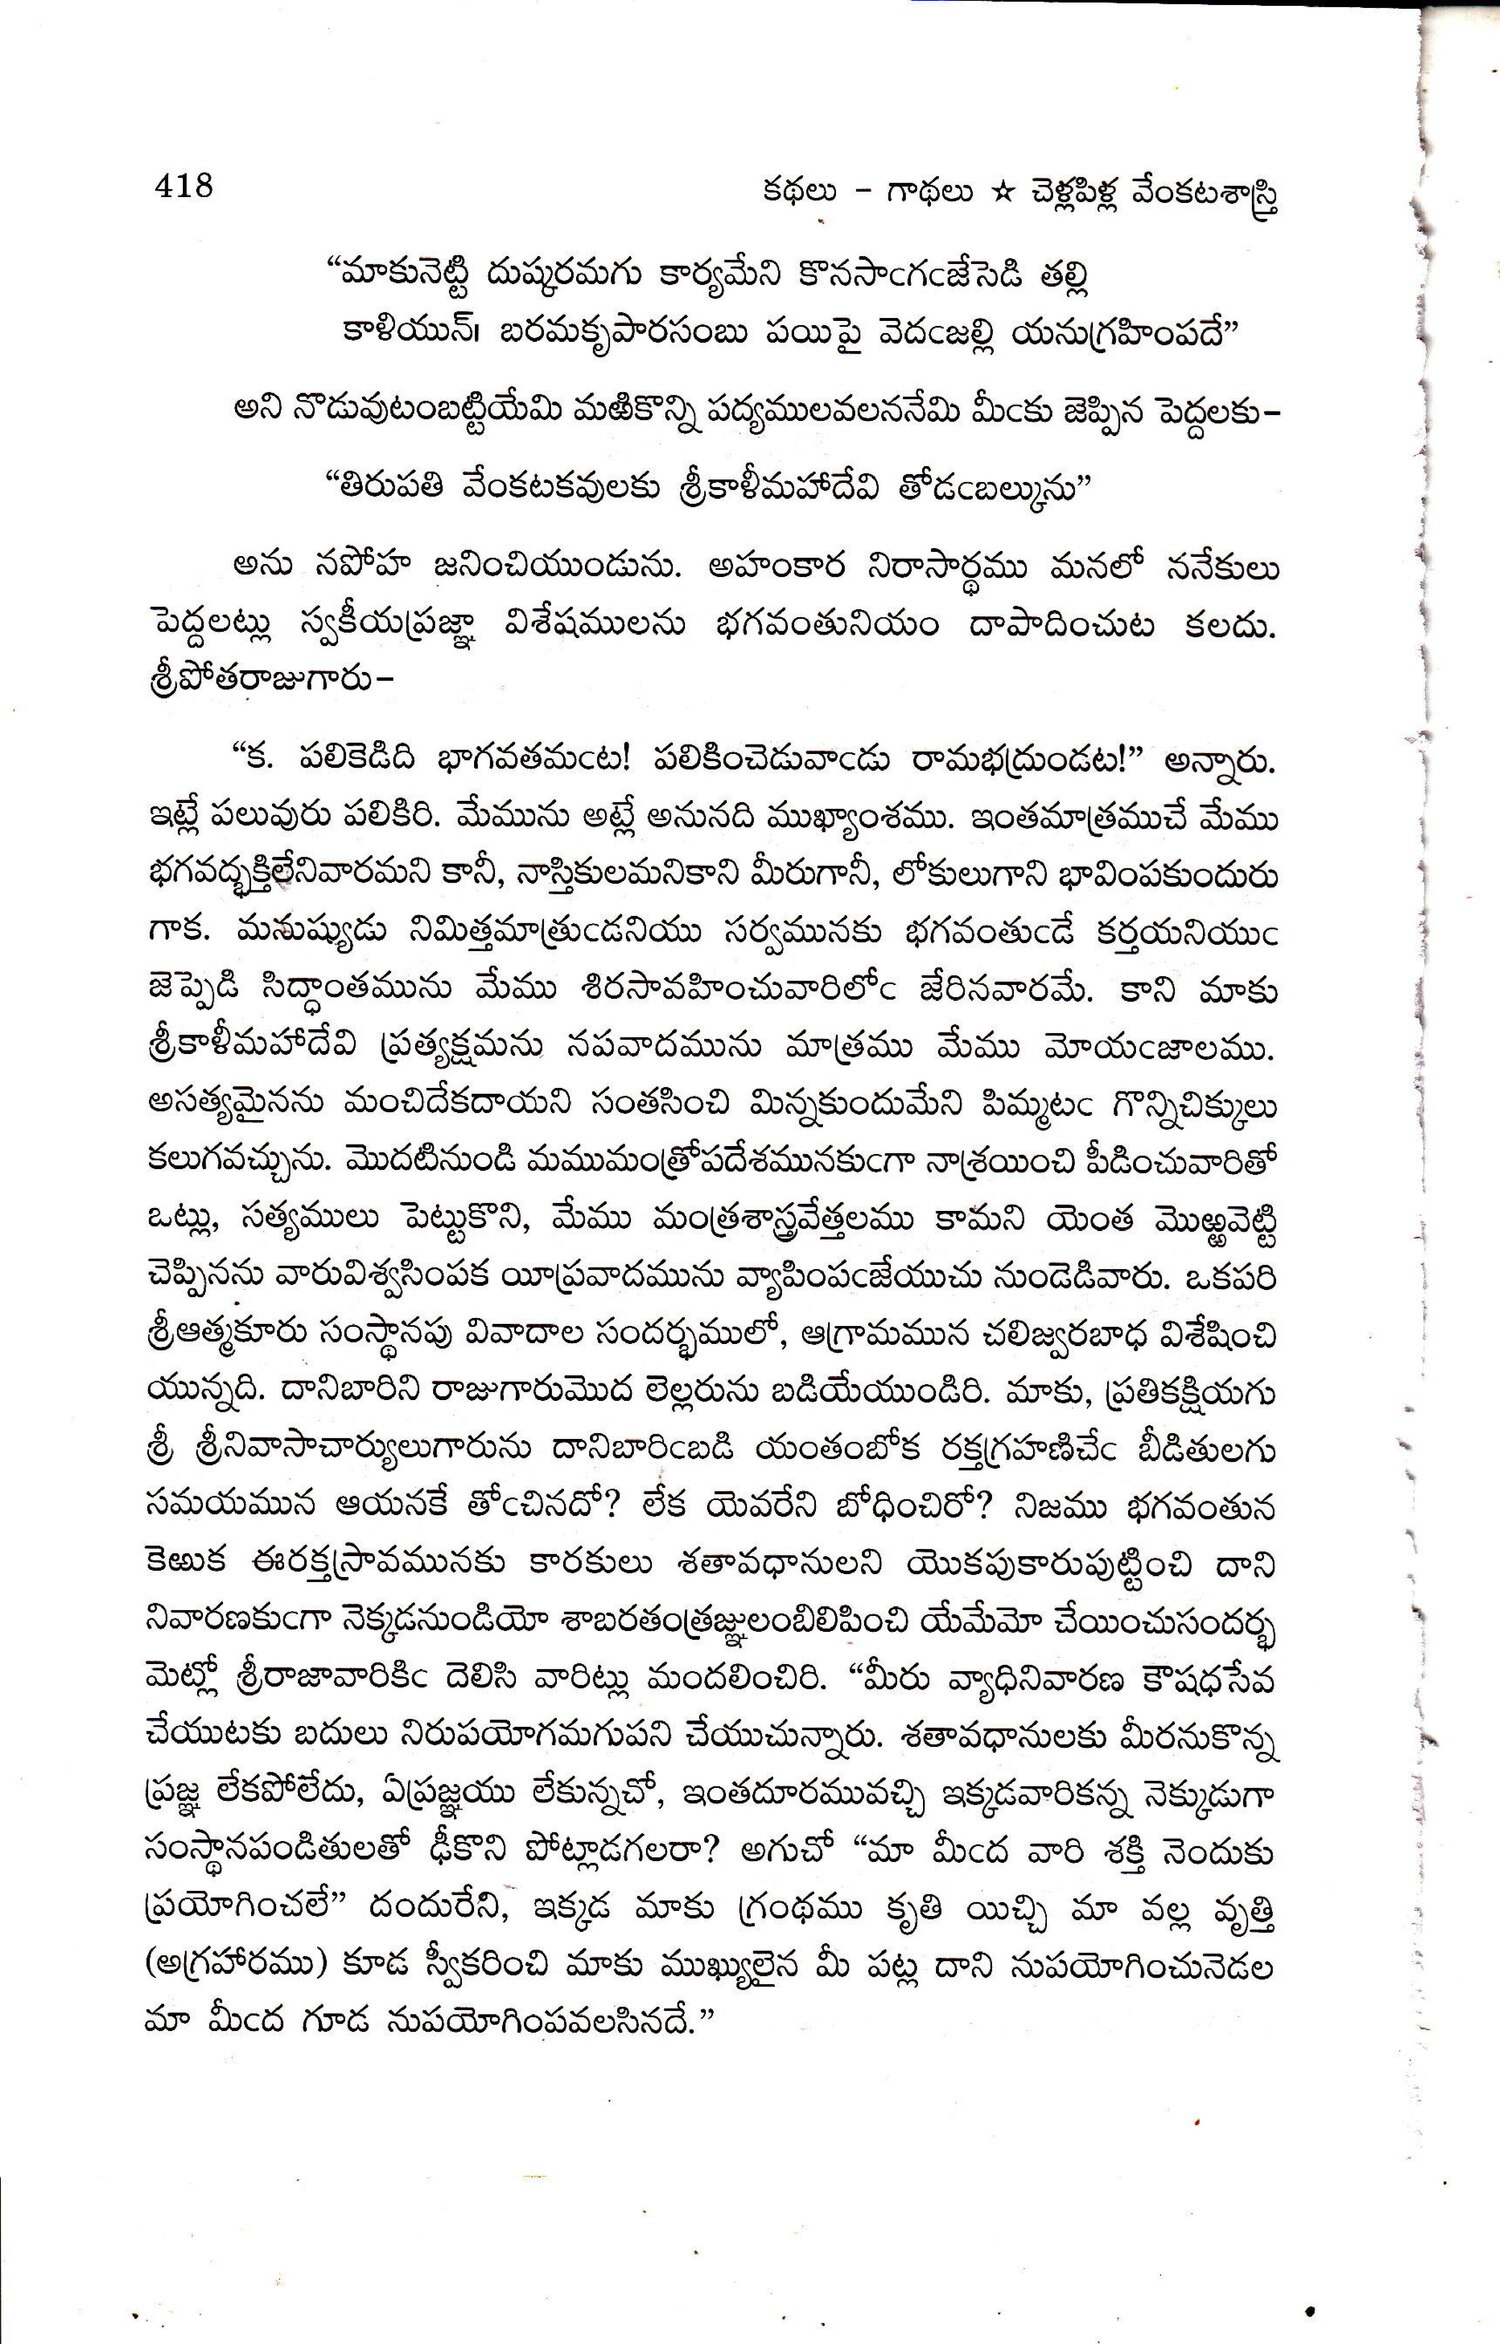"మాకునెట్టి దుష్కరమగు కార్యమేని కొనసాఁగఁజేసెడి తల్లి
 కాళియున్| బరమకృపారసంబు పయిపై వెదఁజల్లి యనుగ్రహింపదే"
అని నొడువుటంబట్టియేమి మఱికొన్ని పద్యములవలననేమి మీఁకు జెప్పిన పెద్దలకు-

“తిరుపతి వేంకటకవులకు శ్రీకాళీమహాదేవి తోడఁబల్కును”
అను నపోహ జనించియుండును. అహంకార నిరాసార్థము మనలో ననేకులు పెద్దలట్లు స్వకీయప్రజ్ఞా విశేషములను భగవంతునియం దాపాదించుట కలదు. శ్రీపోతరాజుగారు-

“క. పలికెడిది భాగవతమఁట! పలికించెడువాఁడు రామభద్రుండట!" అన్నారు. ఇట్లే పలువురు పలికిరి. మేమును అట్లే అనునది ముఖ్యాంశము. ఇంతమాత్రముచే మేము భగవద్భక్తిలేనివారమని కానీ, నాస్తికులమనికాని మీరుగానీ, లోకులుగాని భావింపకుందురు గాక. మనుష్యుడు నిమిత్తమాత్రుఁడనియు సర్వమునకు భగవంతుఁడే కర్తయనియుఁ జెప్పెడి సిద్ధాంతమును మేము శిరసావహించువారిలోఁ జేరినవారమే. కాని మాకు శ్రీకాళీమహాదేవి ప్రత్యక్షమను నపవాదమును మాత్రము మేము మోయఁజాలము. అసత్యమైనను మంచిదేకదాయని సంతసించి మిన్నకుందుమేని పిమ్మటఁ గొన్నిచిక్కులు కలుగవచ్చును. మొదటినుండి మముమంత్రోపదేశమునకుఁగా నాశ్రయించి పీడించువారితో ఒట్లు, సత్యములు పెట్టుకొని, మేము మంత్రశాస్త్రవేత్తలము కామని యెంత మొఱ్ఱవెట్టి చెప్పినను వారువిశ్వసింపక యీప్రవాదమును వ్యాపింపఁజేయుచు నుండెడివారు. ఒకపరి శ్రీఆత్మకూరు సంస్థానపు వివాదాల సందర్భములో, ఆగ్రామమున చలిజ్వరబాధ విశేషించి యున్నది. దానిబారిని రాజుగారుమొద లెల్లరును బడియేయుండిరి. మాకు, ప్రతికక్షియగు శ్రీ శ్రీనివాసాచార్యులుగారును దానిబారిఁబడి యంతంబోక రక్తగ్రహణిచేఁ బీడితులగు సమయమున ఆయనకే తోఁచినదో? లేక యెవరేని బోధించిరో? నిజము భగవంతున కెఱుక ఈరక్తస్రావమునకు కారకులు శతావధానులని యొకపుకారుపుట్టించి దాని నివారణకుఁగా నెక్కడనుండియో శాబరతంత్రజ్ఞులంబిలిపించి యేమేమో చేయించుసందర్భ మెట్లో శ్రీరాజావారికిఁ దెలిసి వారిట్లు మందలించిరి. “మీరు వ్యాధినివారణ కౌషధసేవ చేయుటకు బదులు నిరుపయోగమగుపని చేయుచున్నారు. శతావధానులకు మీరనుకొన్న ప్రజ్ఞ లేకపోలేదు, ఏప్రజ్ఞయు లేకున్నచో, ఇంతదూరమువచ్చి ఇక్కడవారికన్న నెక్కుడుగా సంస్థానపండితులతో ఢీకొని పోట్లాడగలరా? అగుచో "మా మీఁద వారి శక్తి నెందుకు ప్రయోగించలే” దందురేని, ఇక్కడ మాకు గ్రంథము కృతి యిచ్చి మా వల్ల వృత్తి (అగ్రహారము) కూడ స్వీకరించి మాకు ముఖ్యులైన మీ పట్ల దాని నుపయోగించునెడల మా మీఁద గూడ నుపయోగింపవలసినదే."